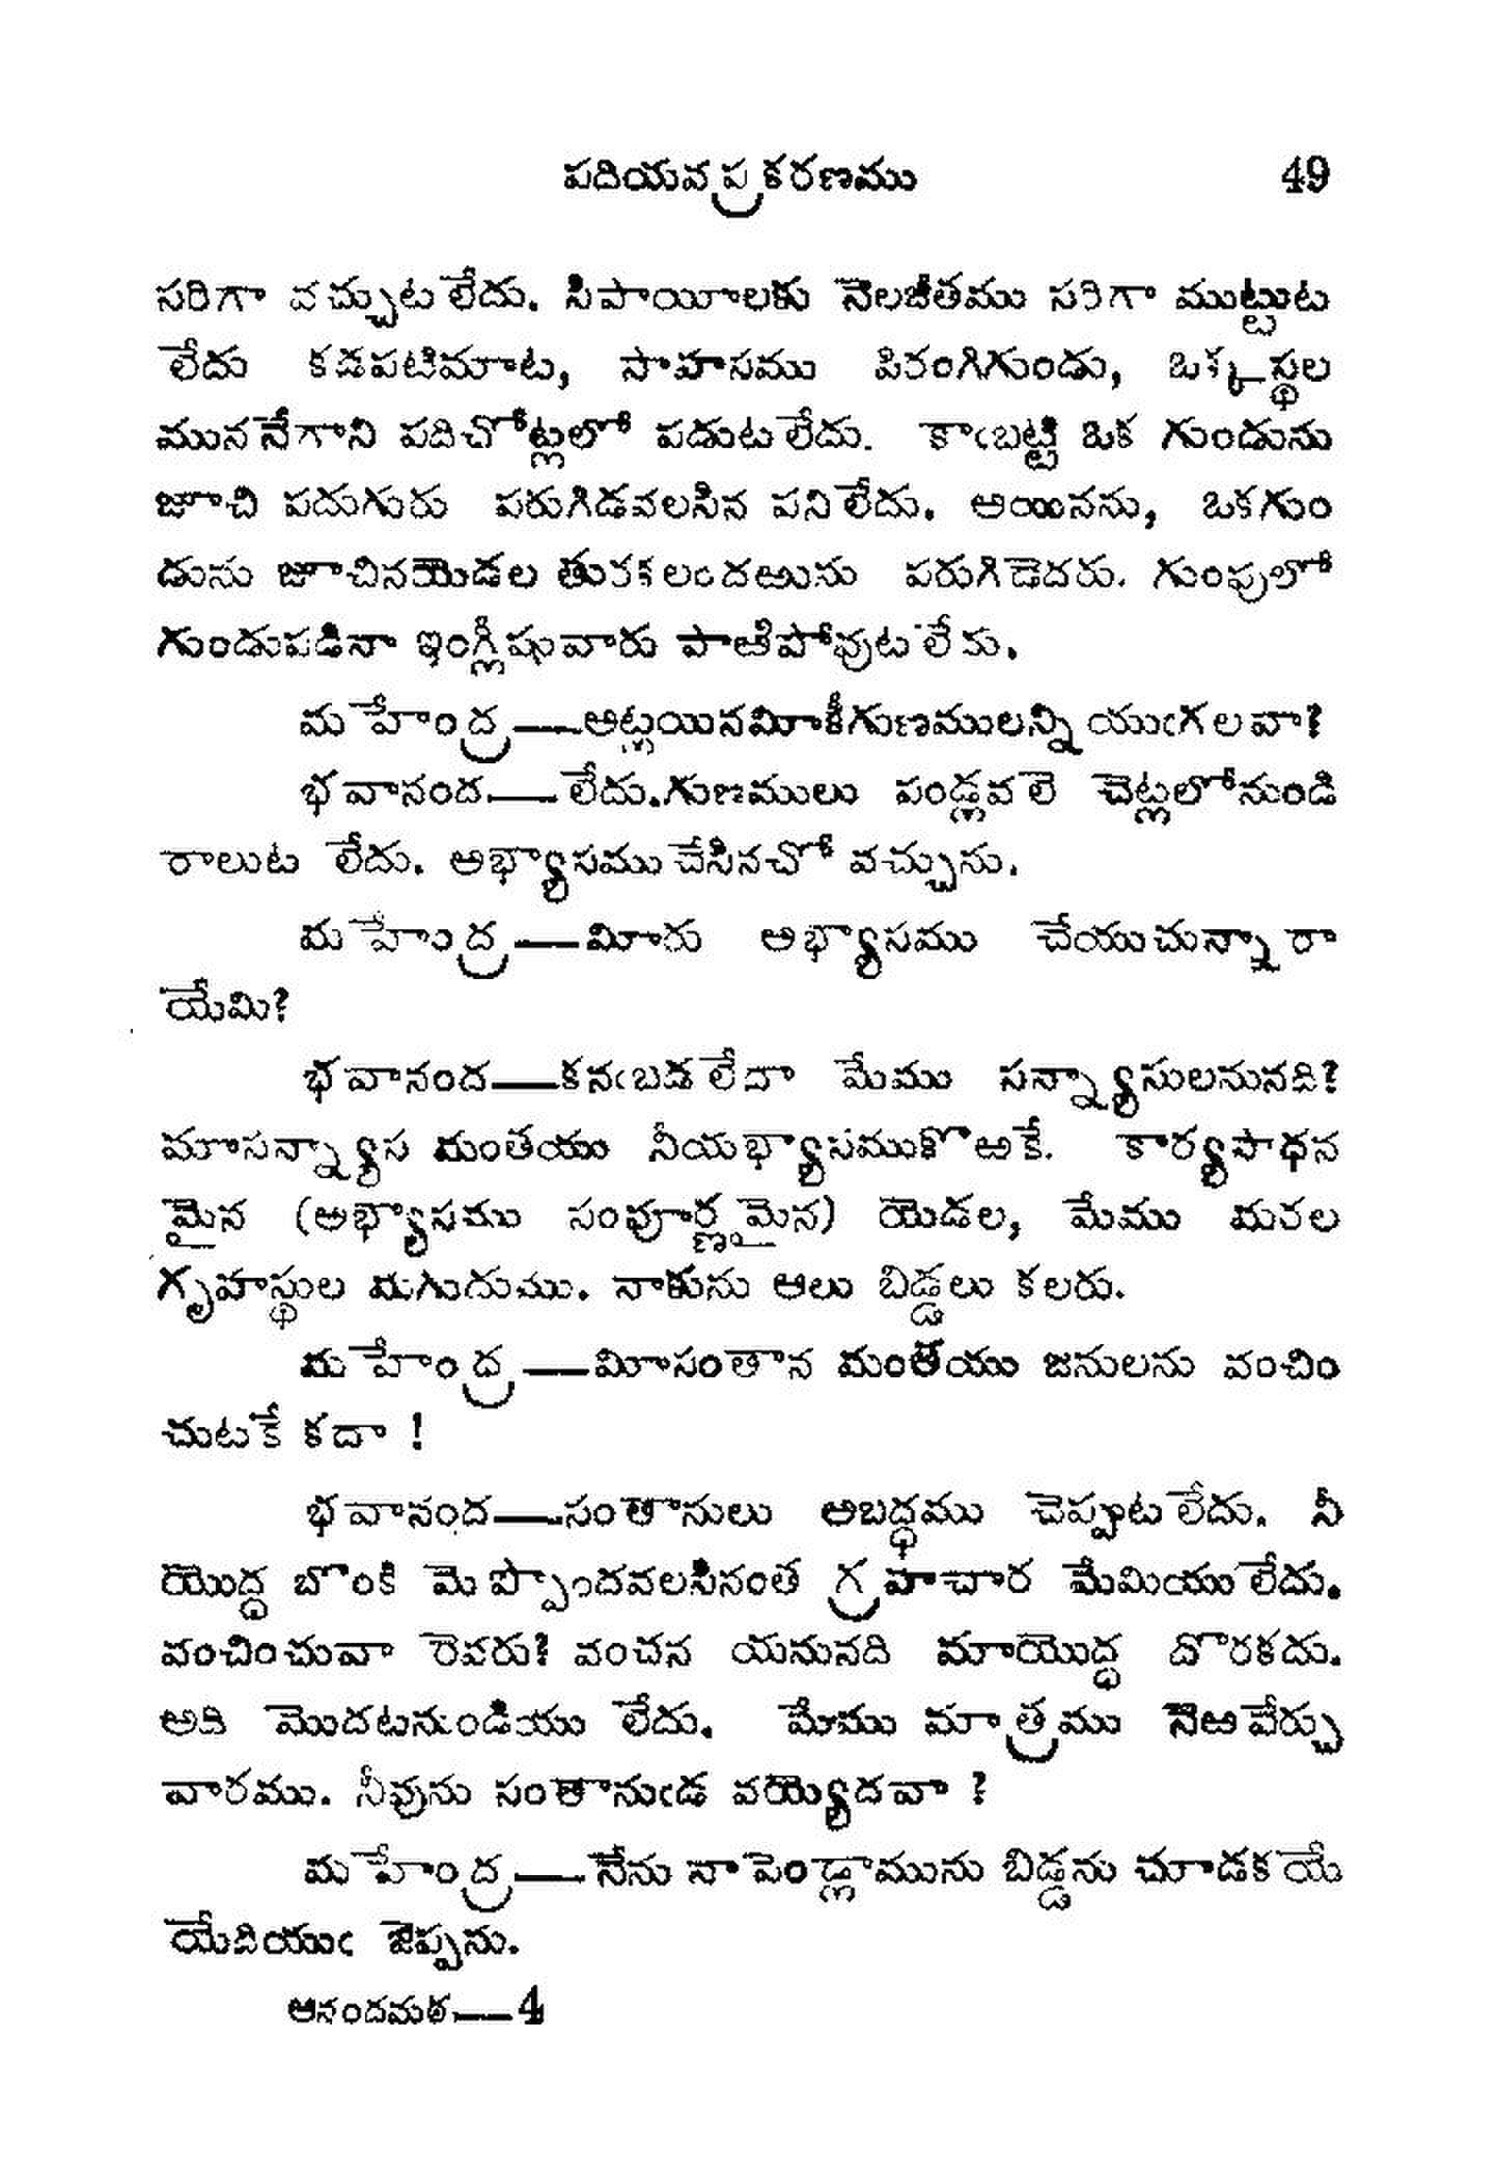సరిగా వచ్చుట లేదు. సిపాయీలకు నెలజీతము సరిగా ముట్టుట లేదు కడపటిమాట, సాహసము పిరంగిగుండు, ఒక్కస్థలమున నేగానీ పది చోట్లలో పడుట లేదు. కాఁబట్టి ఒక గుండును జూచి పదుగురు పరుగిడవలసిన పని లేదు. అయినను, ఒకగుండును జూచినయెడల తుకక లందఱును పరుగిడెదరు. గుంపులో గుండుపడినా ఇంగ్లీషువారు పాఱిపోవుట లేదు,

మహేంద్ర——అట్లయిన మీకీగుణములన్ని యుఁగలవా?

భవానంద —— లేదు.గుణములు పండ్లవలె చెట్లలోనుండి రాలుట లేదు. అభ్యాసము చేసినచో వచ్చును.

మహేంద్ర —— మీరు అభ్యాసము చేయుచున్నారా యేమి?

భవానంద——కనఁబడ లేదా మేము సన్న్యాసులనునది? మాసన్న్యాస మంతయు నీయభ్యాసముకొఱకే. కార్యసాధనమైన (అభ్యాసము సంపూర్ణమైన) యెడల, మేము మరల గృహస్థుల మగుదుము. నాకును ఆలు బిడ్డలు కలరు.

మహేంద్ర——మీసంతాన మంతయు జనులను వంచించుటకే కదా !

భవానంద ——సంతానులు అబద్ధము చెప్పుట లేదు. నీ యొద్ద బొంకి మెప్పొందవలసినంత గ్రహచార మేమియు లేదు. వంచించువా రెవరు? వంచన యనునది మాయొద్ద దొరకదు. అది మొదటనుండియు లేదు. మేము మాత్రము నెఱవేర్చువారము. నీవును సంతానుఁడ వయ్యెదవా !

మహేంద్ర — నేను నా పెండ్లామును బిడ్డను చూడకయే యేదియుఁ జెప్పను.